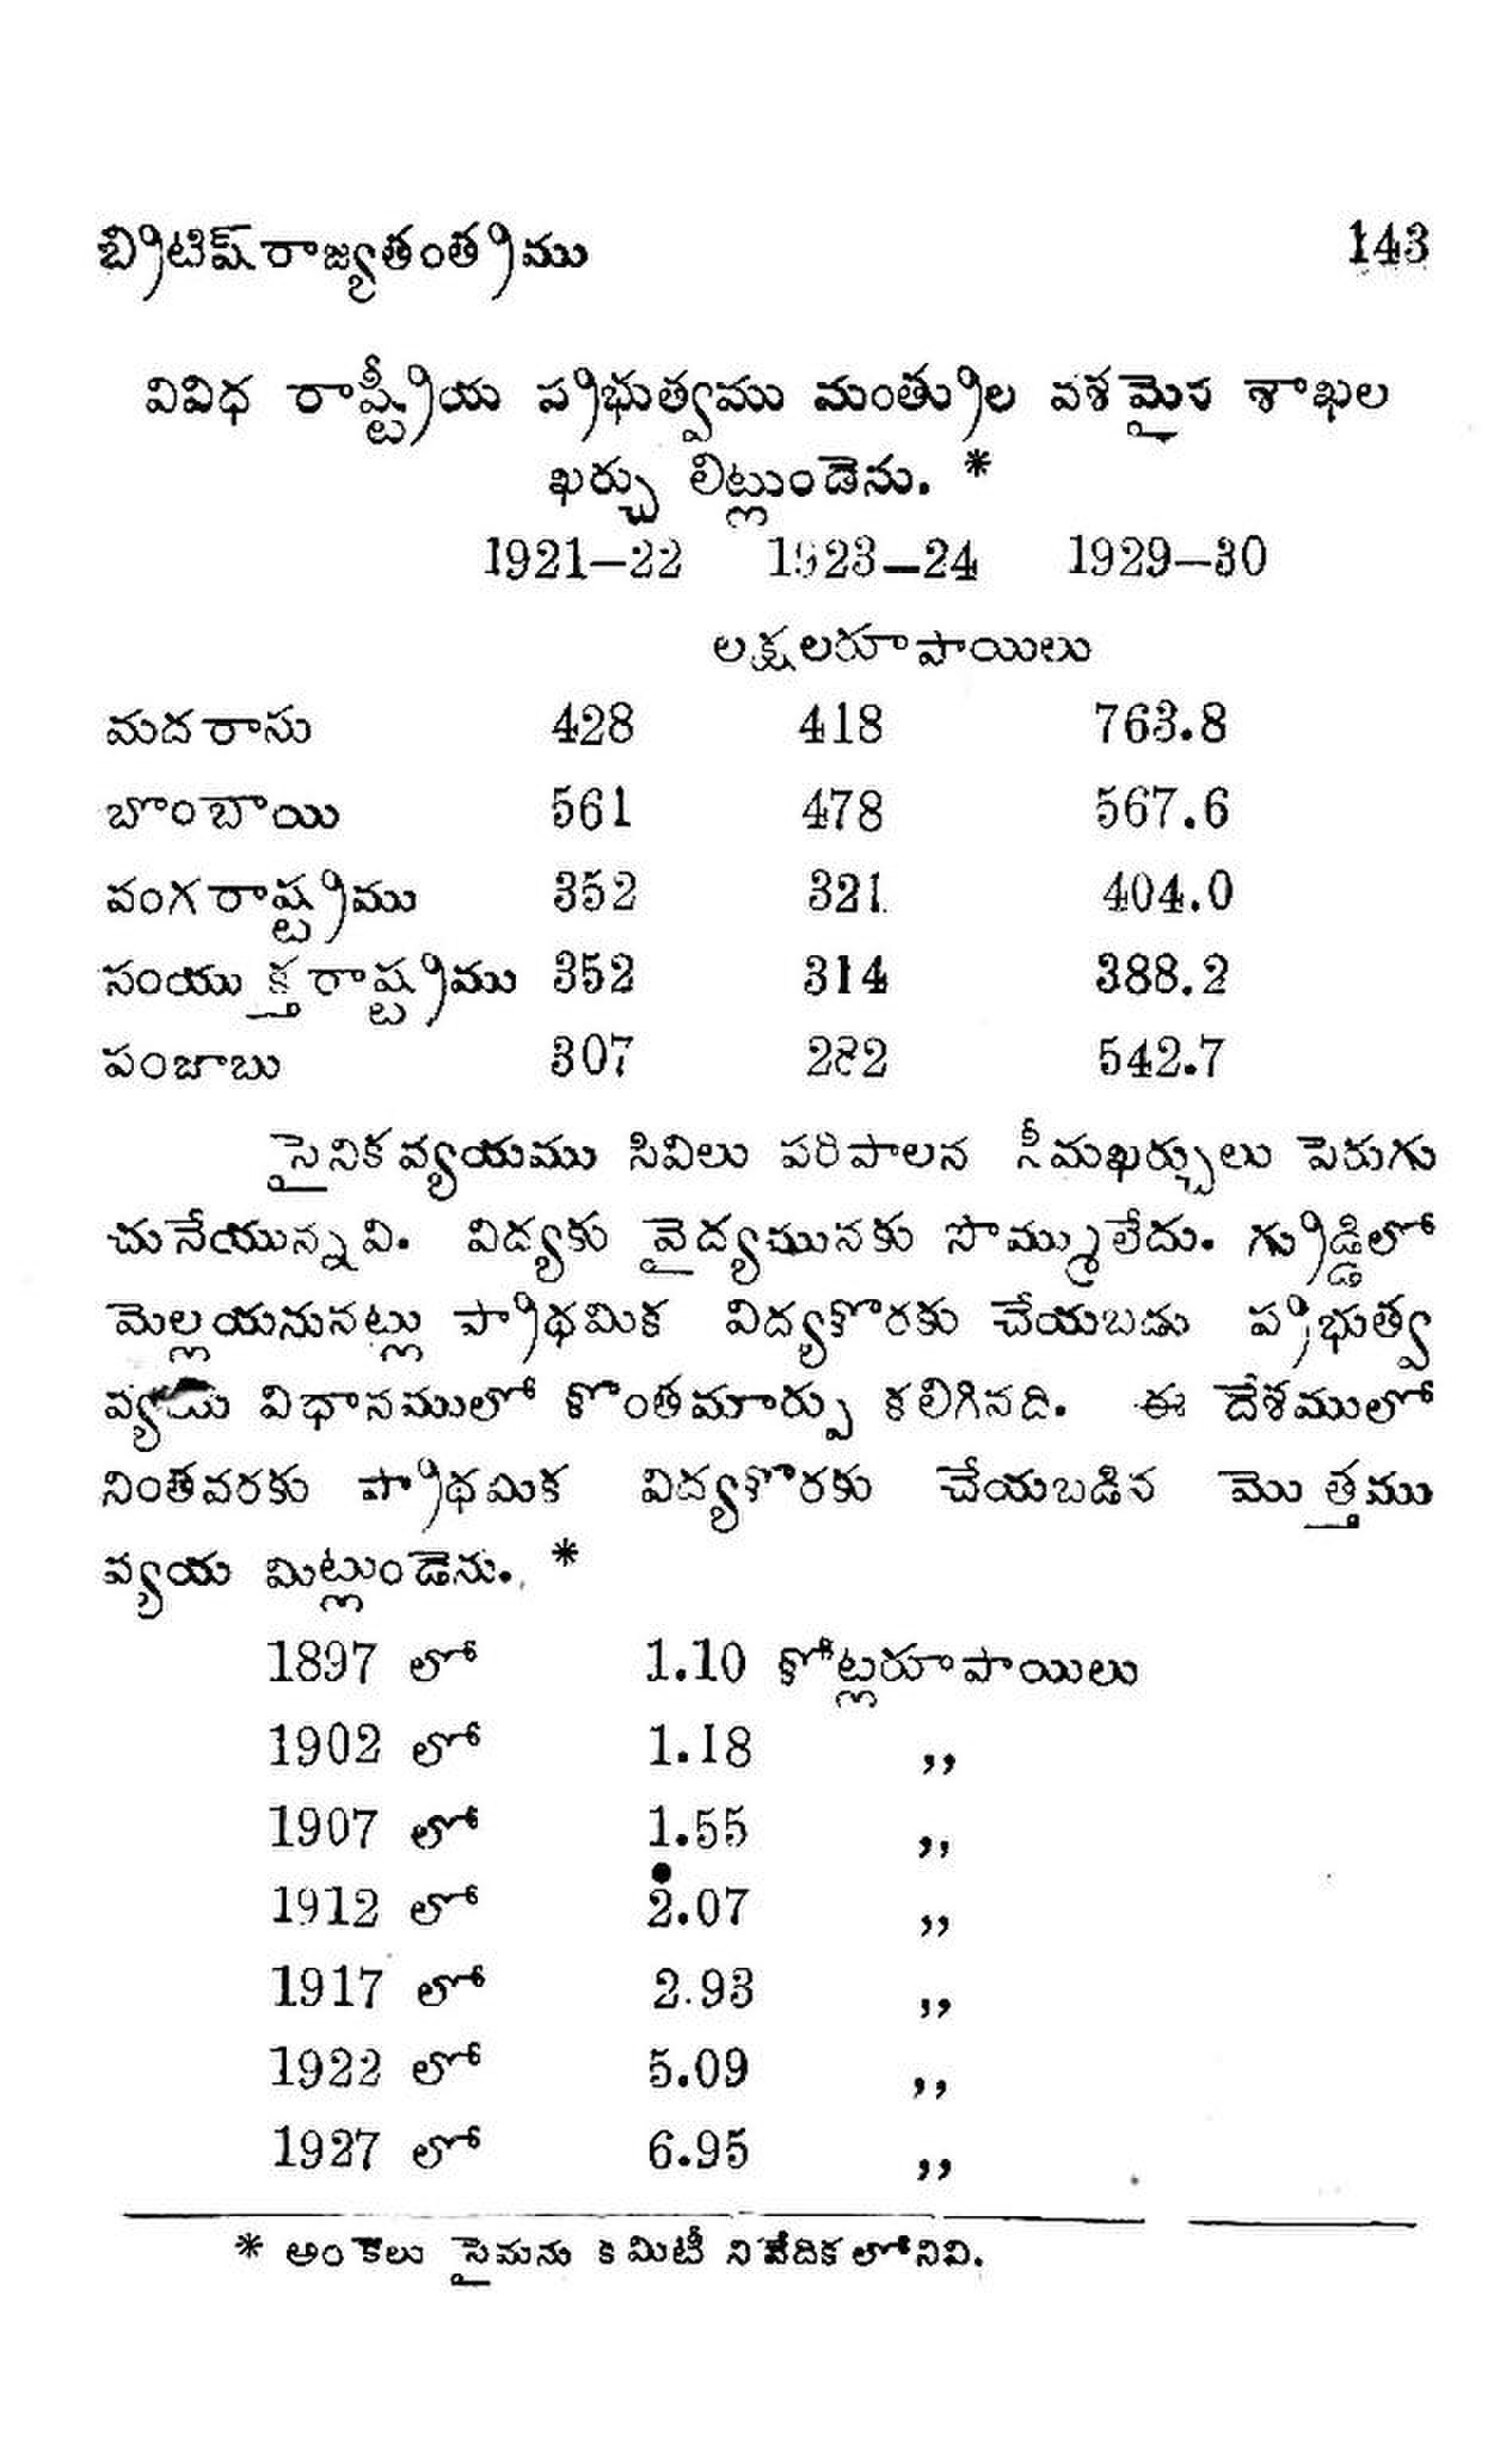రాష్ట్రము 1921-22 లక్షల రూ. 1923-24 లక్షల రూ. 1929-30 లక్షల రూ. మదరాసు 428 418 763.8 బొంబాయి 561 478 567.6 వంగరాష్ట్రము 352 321 404.0 సంయుక్తరాష్ట్రము 352 314 388.2 పంజాబు 307 282 542.7

సైనిక వ్యయము సివిలు పరిపాలన సీమఖర్చులు పెరుగుచునేయున్నవి. విద్యకు వైద్యమునకు సొమ్ములేదు. గ్రుడ్డిలో మెల్లయనునట్లు ప్రాథమిక విద్యకొరకు చేయబడు ప్రభుత్వ వ్యయ విధానములో కొంతమార్పు కలిగినది. ఈ దేశములో నింతవరకు ప్రాథమిక విద్యకొరకు చేయబడిన మొత్తము వ్యయ మిట్లుండెను.

 1897 లో 1.10 కోట్లరూపాయిలు 1902 లో 1.18 కోట్లరూపాయిలు 1907 లో 1.55 కోట్లరూపాయిలు 1912 లో 2.07 కోట్లరూపాయిలు 1917 లో 2.93 కోట్లరూపాయిలు 1922 లో 5.09 కోట్లరూపాయిలు 1927 లో 6.95 కోట్లరూపాయిలు